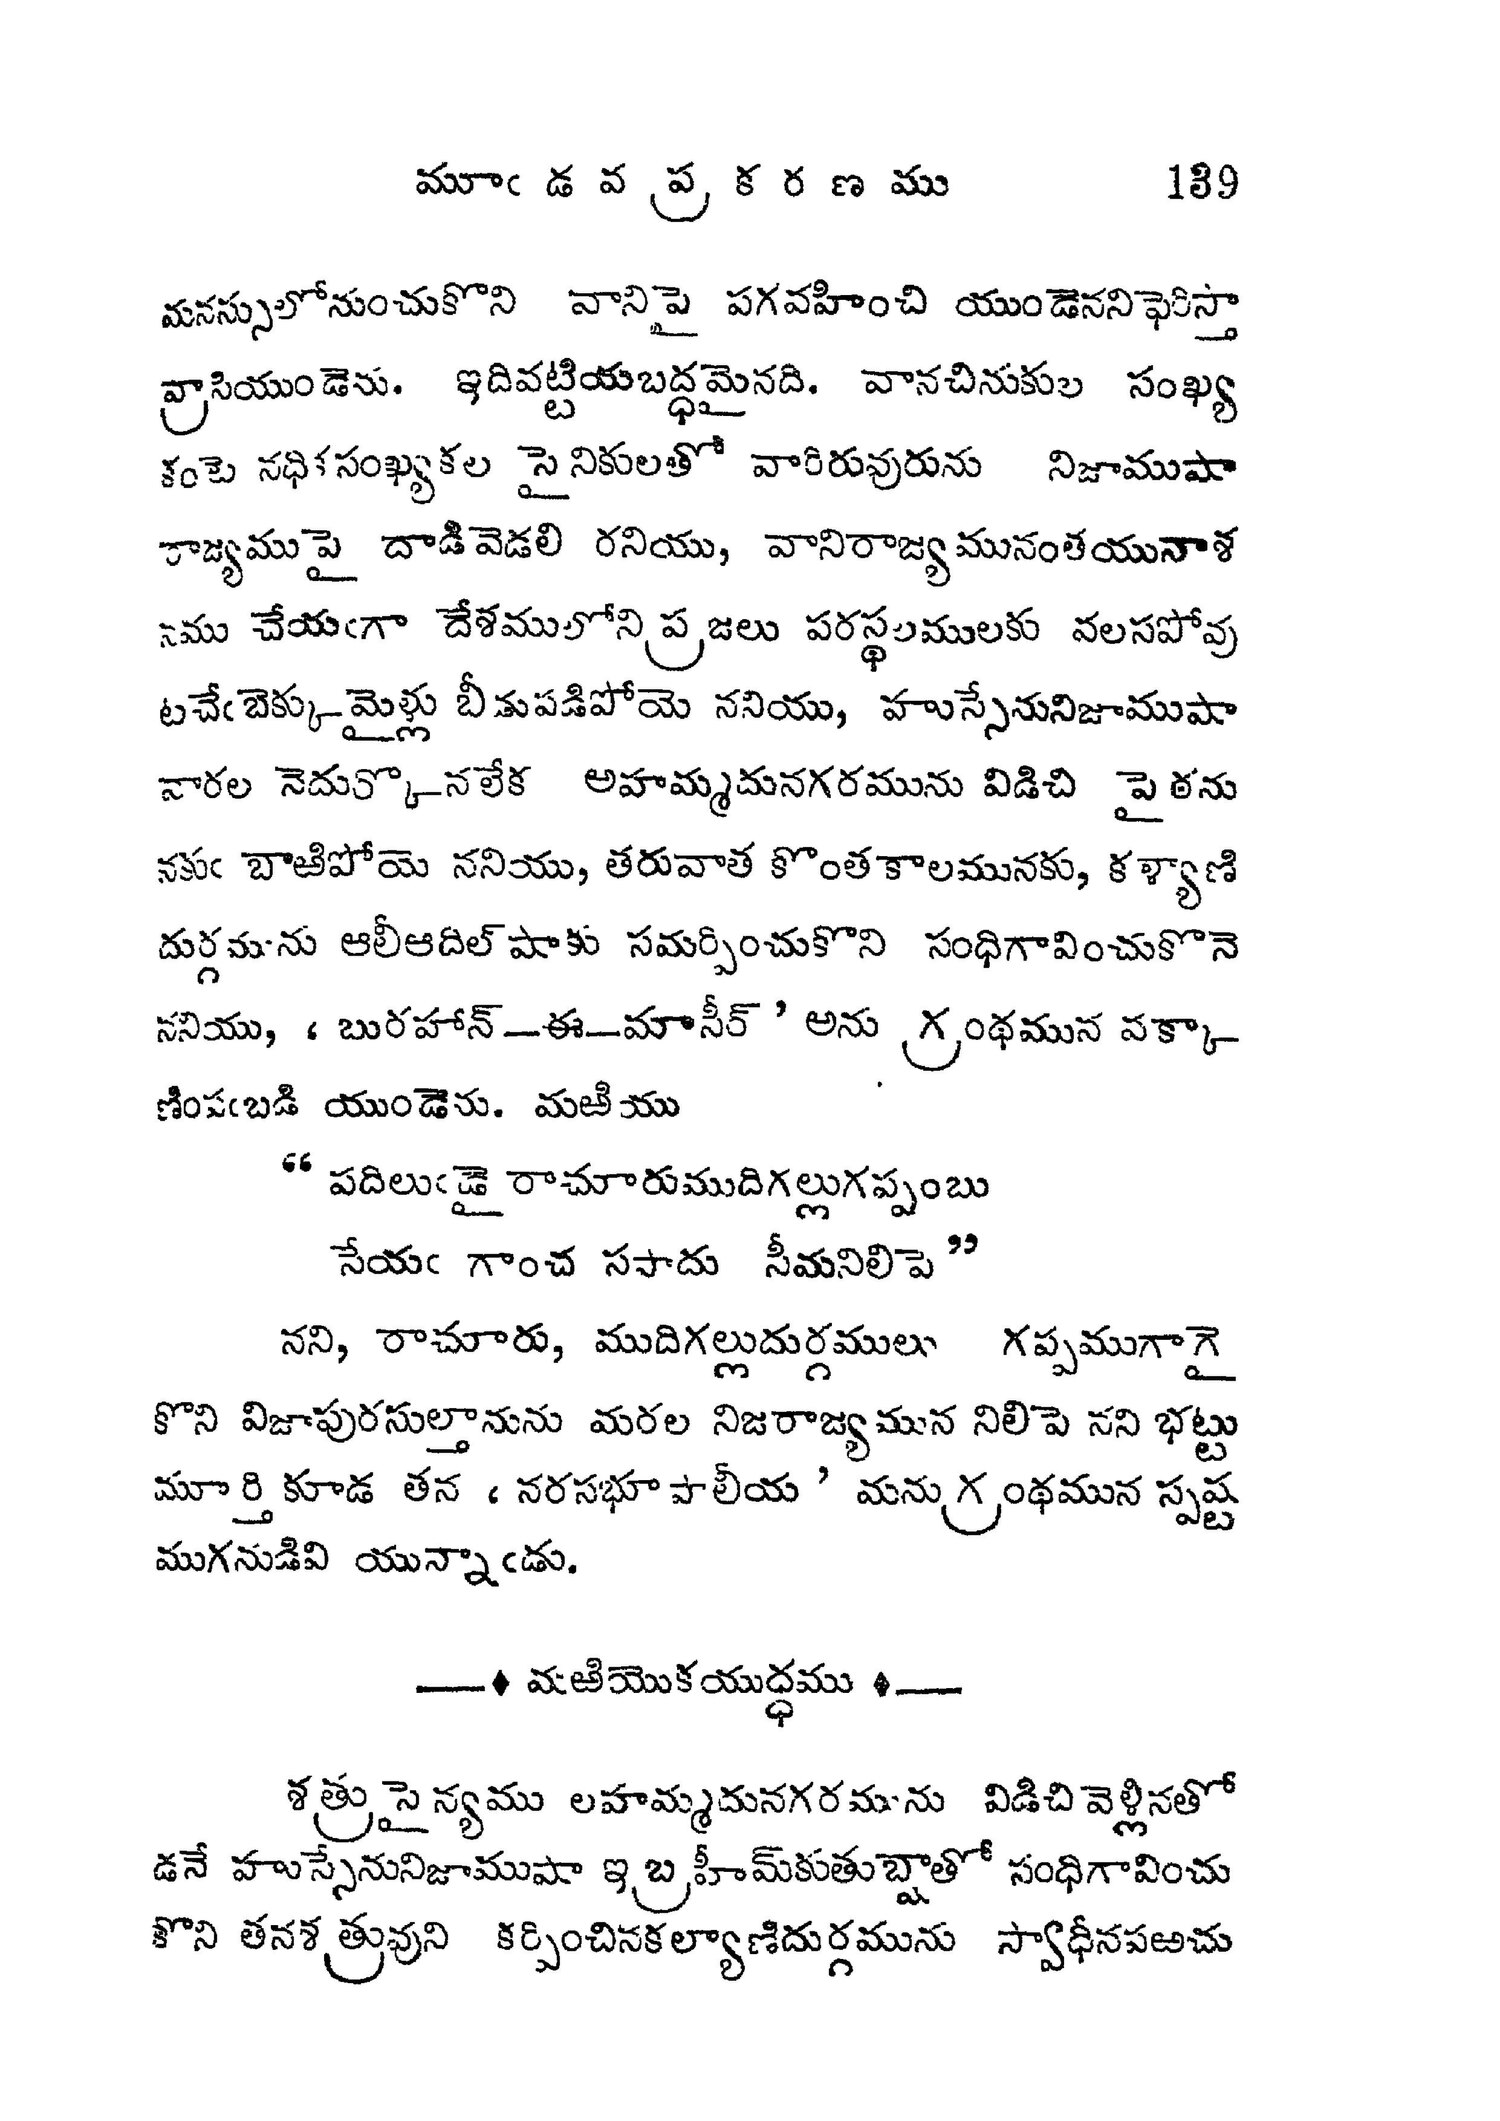మనస్సులోనుంచుకొని వానిపై పగవహించి యుండెనని ఫెరిస్తా వ్రాసియుండెను. ఇదివట్టియబద్ధమైనది. వానచినుకుల సంఖ్య కంటె నధికసంఖ్యకల సైనికులతో వారిరువురును నిజాముషారాజ్యముపై దాడివెడలి రనియు, వానిరాజ్యమునంతయునాశనము చేయగా దేశములోనిప్రజలు పరస్థలములకు వలసపోవుటచే బెక్కుమైళ్లు బీడుపడిపోయె ననియు, హుస్సేనునిజాముషా వారల నెదుర్కొనలేక అహమ్మదు నగరమును విడిచి పైఠనునకు బాఱిపోయె ననియు, తరువాత కొంతకాలమునకు, కళ్యాణిదుర్గమును ఆలీఆదిల్‌షాకు సమర్పించుకొని సంధిగావించుకొనె ననియు, 'బురహాన్ - ఈ - మాసీర్‌' అను గ్రంథమున వక్కాణింపబడి యుండెను. మఱియు

 "పదిలుడై రాచూరుముదిగల్లుగప్పంబు
 సేయ గాంచ సపాదు సీమనిలిపె"

నని, రాచూరు, ముదిగల్లుదుర్గములు గప్పముగాగైకొని విజాపురసుల్తానును మరల నిజరాజ్యమున నిలిపె నని భట్టుమూర్తికూడ తన 'నరసభూపాలీయ' మనుగ్రంథమున స్పష్టముగనుడివి యున్నాడు.

శత్రుసైన్యము లహమ్మదునగరమును విడిచివెళ్లినతోడనే హుస్సేనునిజాముషా ఇబ్రహీమ్‌కుతుబ్షాతో సంధిగావించుకొని తనశత్రువుని కర్పించినకళ్యాణిదుర్గమును స్వాధీనపఱచు